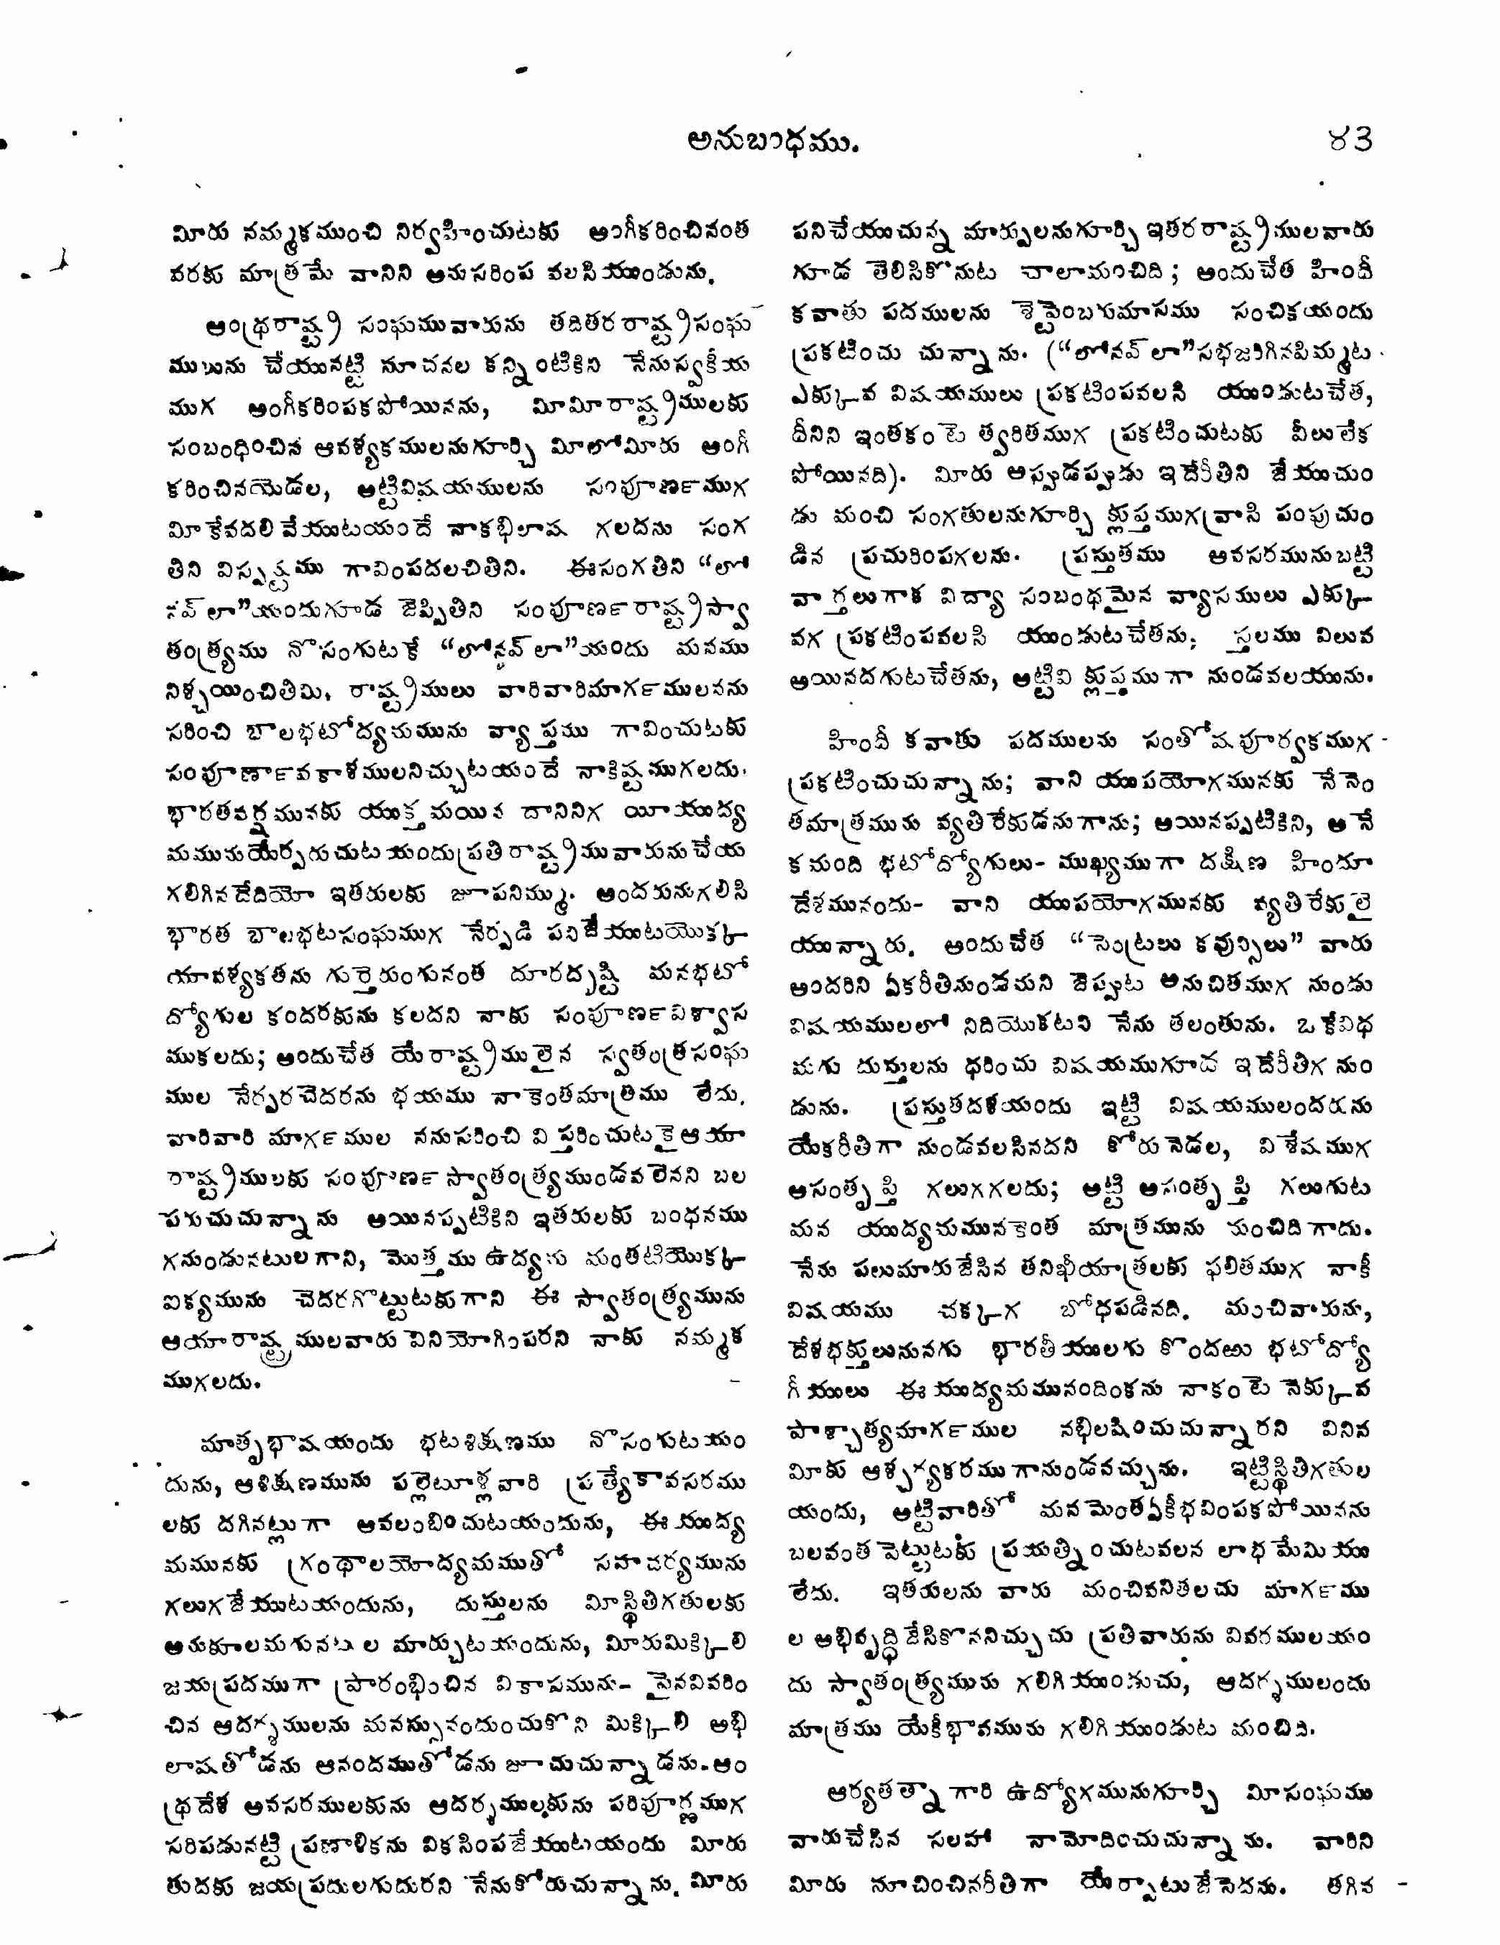మీరు నమ్మకముంచి నిర్వహించుటకు అంగీకరించినంత వరకు మాత్రమే వానిని అనుసరింప వలసి యుండును,

ఆంధ్రరాష్ట్ర సంఘమువారును తదితర రాష్ట్ర సంఘములును చేయునట్టి సూచనల కన్నింటికిని నేనుస్వకీయముగ అంగీకరింపక పోయినను, మీమీ రాష్ట్రములకు సంబంధించిన ఆవశ్యకములను గూర్చి మీలోమీరు అంగీకరించినయెడల, అట్టివిషయములను సంపూణ౯ముగ మీ కేవదలివేయుటయందే నాకభిలాష గలదను సంగతిని విస్పష్టము గావింపదలచితిని. ఈ సంగతిని "లోనవ్ లా" యందుగూడ జెప్పితిని సంపూణ౯రాష్ట్రస్వాతంత్యము నొసంగుటకే “లోనవ్ లా" యందు మనము నిశ్చయించితిమి. రాష్ట్రములు వారివారిమాగణములననుసరించి బాలభటోద్యమమును వ్యాప్తము గావించుటకు సంపూణాజవ కాళములనిచ్చుటయందే నాకిష్టముగలదు.
భారతవర్షమునకు యుక్తమయిన దానిని యీ యుద్యమముకుయేర్పగుచుట యందు ప్రతి రాష్ట్రము వారును చేయగలిగినదేదియో ఇతరులకు జూపనిమ్ము. అందరునుగలిసి భారత బాల భట సంఘముగ నేర్పడి పనిజేయుటయొక్క యావశ్యకతను గుర్తెరుంగునంత దూరదృష్టి మనభటోద్యోగుల కందరకును కలదని నాకు సంపూణ౯ విశ్వాసముకలదు; అందుచేత యే రాష్ట్రములైన స్వతంత్ర సంఘముల నేర్పరచెదరను భయము నాకెంతమాత్రము లేదు. వారివారి మార్గ౯ముల ననుసరించి విస్తరించుటకై ఆయారాష్ట్రములకు సంపూణ స్వాతంత్ర్యముండవలెనని బలపరుచుచున్నాను అయినప్పటికిని ఇతరులకు బంధనము గనుండునటుల గాని, మొత్తము ఉద్యము మంతటియొక్క ఐక్యమును చెదరగొట్టుటకు గాని ఈ స్వాతంత్య్రమును ఆయా రాష్ట్ర ములవారు వినియోగింపరని నాకు నమ్మక
ముగలదు.

మాతృభాషయందు భటశిక్షణము నొసంగుటయందును, ఆశిక్షణమును పల్లెటూళ్లవారి ప్రత్యేకావసరములకు దిగినట్లుగా అవలంబించుట యందును, ఈ యుద్యమమునకు గ్రంథాలయోద్యమముతో సహచర్యమును గలుగజేయుటయందును, దుస్తులను మీస్థితిగతులకు
అనుకూలమగునటల మార్చుట యందును, మీరు మిక్కిలి జయప్రదముగా ప్రారంభించిన వికాసమును పైనవివరించిన ఆదర్శములను మనస్సునందుంచుకొని మిక్కిలి అభిలాషతోడను ఆనందముతోడను జూచుచున్నాడను. ఆంధ్రదేశ అవసరములకును ఆదర్శములకును పరిపూర్ణముగ సరిపడునట్టి ప్రణాళికను వికసింపజేయుటయందు మీరు తుదకు జయప్రదులగుదురని నేనుకోరుచున్నాను. మీరు
పనిచేయుచున్న మార్పులను గూర్చి ఇతరరాష్ట్రములవారు గూడ తెలిసికొనుట చాలామంచిది; అందుచేత హిందీ కవాతు పదములను 
సెప్టెంబరుమాసము సంచికయందు ప్రకటించు చున్నాను. (“లోనవ్ లా" సభజరిగిన పిమ్మట ఎక్కువ విషయములు ప్రకటింపవలసి యుండుట చేత, దీనిని ఇంతకంటె త్వరితముగ ప్రకటించుటకు వీలు లేక పోయినది). మీరు అప్పుడప్పుడు ఇదేరీతిని జేయుచుండు మంచి సంగతులను గూర్చి క్లుప్తముగ వ్రాసి పంపుచుండిన ప్రచురింపగలను. ప్రస్తుతము అవసరమును బట్టి వార్తలుగాక విద్యా సంబంధమైన వ్యాసములు ఎక్కువగ ప్రకటింపవలసి యుండుట చేతను, స్తలము విలువ అయినదగుటచేతను, అట్టివి క్లుప్తముగా నుండవలయును.

హిందీ కవాతు పదములను సంతోష పూర్వకముగ ప్రకటించుచున్నాను; వాని యుపయోగమునకు నేనెంతమాత్రమును వ్యతిరేకుడను గాను; అయినప్పటికిని, అనేకమంది భటోద్యోగులు - ముఖ్యముగా దక్షిణ హిందూదేశమునందు వాని యుపయోగమునకు వ్యతిరేకులై
యున్నారు. అందుచేత "సెంట్రలు కవుర్సిలు” వారు అందరిని ఏకరీతినుండమని జెప్పుట అనుచితముగ నుండు విషయములలో నిదియొకటని నేను తలంతును. ఒకేవిధమగు దుస్తులను ధరించు విషయము గూద ఇదేరీతిగ నుండును. ప్రస్తుతదశయందు ఇట్టి విషయములందరును యేకరీతిగా నుండవలసినదని కోరు నెడల, విశేషముగ అసంతృప్తి గలుగగలదు; అట్టి అసంతృప్తి గలుగుట
మన యుద్యమమున కెంత మాత్రమును మంచిది గాదు. నేను పలుమారుచేసిన తనిఖీయాత్రలకు ఫలితముగ నాకీవిషయము చక్కగా బోధపడినది. మంచివారునూ, దేశభక్తులును నగు భారతీయులగు కొందఱు భట్టోద్యోగీయులు ఈ యుద్యమమునందింకను నాకంటె నెక్కువ పాశ్చాత్యమాగ౯ముల నభిలషించుచున్నారని వినిన మీకు ఆశ్చర్యకరముగానుండవచ్చును. ఇట్టిస్థితిగతుల యందు, అట్టివారితో మన మెంత ఏకీభవింపకపోయినను బలవంత పెట్టుటకు ప్రయత్నించుటవలన లాభమేమియు లేదు. ఇతరులను వారు మంచివనితలచు మాగ౯ముల అభివృద్ధి జేసికొననిచ్చుచు ప్రతివారును వివరములయందు స్వాతంత్య్రమును గలిగియుండుచు, ఆదర్శములందు
మాత్రము యేకీ భావమును గలిగి యుండుట మంచిది.

ఆర్యతత్నా గారి ఉద్యోగమును గూర్చి మీసంఘము వారుచేసిన సలహా నామోదించుచున్నాను. మీరు సూచించినరీతిగా యేర్పాటు జేసెదను. తగిన